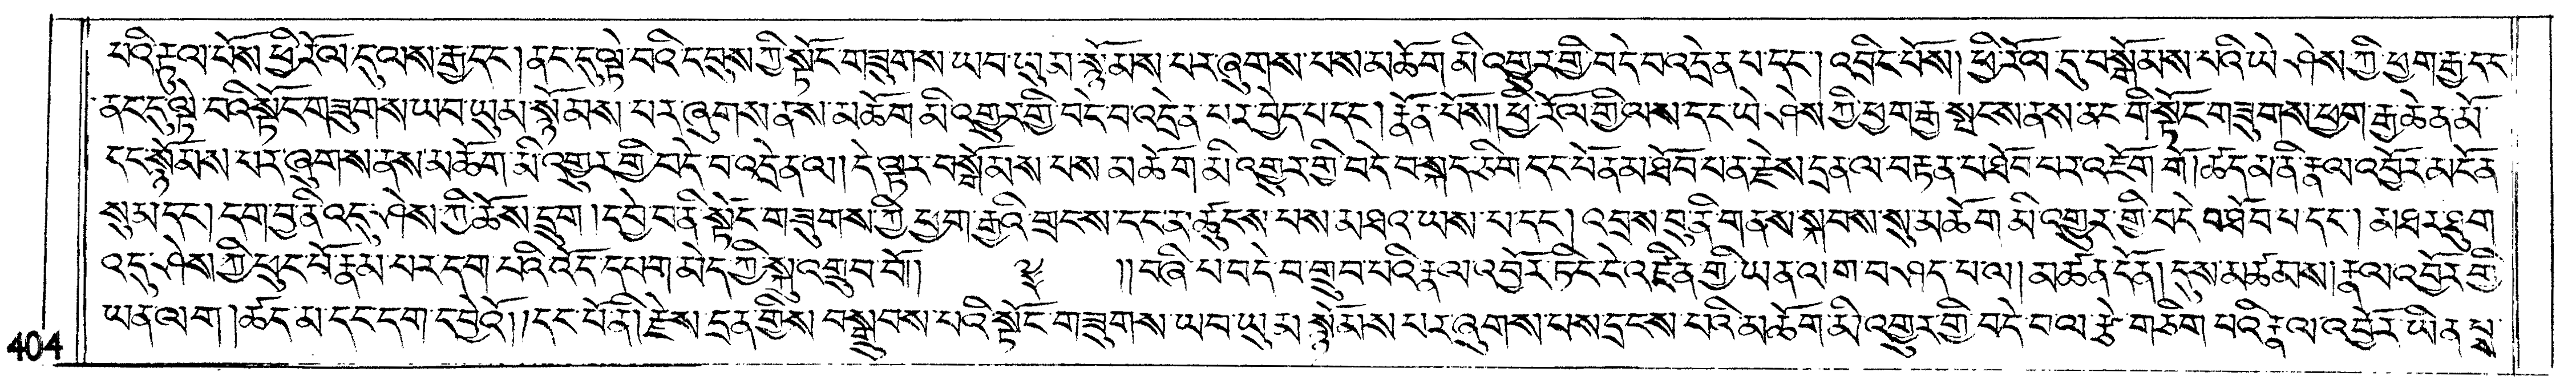པའི་རྟུལ་པོས་ཕྱི་རོལ་དུ་ལས་རྒྱ་དང་། ནང་དུ་ལྟེ་བའི་དབུས་ཀྱི་སྟོང་གཟུགས་ཡབ་ཡུམ་སྙོམས་པར་ཞུགས་པས་མཆོག་མི་འགྱུར་གྱི་བདེ་བ་འདྲེན་པ་དང་། འབྲིང་པོས། ཕྱི་རོལ་དུ་བསྒོམས་པའི་ཡེ་ཤེས་ཀྱི་ཕྱག་རྒྱ་དང་
ནང་དུ་ལྟེ་བའི་སྟོང་གཟུགས་ཡབ་ཡུམ་སྙོམས་པར་ཞུགས་ནས་མཆོག་མི་འགྱུར་གྱི་བདེ་བ་འདྲེན་པར་བྱེད་པ་དང་། རྣོན་པོས། ཕྱི་རོལ་གྱི་ལས་དང་ཡེ་ཤེས་ཀྱི་ཕྱག་རྒྱ་སྤངས་ནས་ནང་གི་སྟོང་གཟུགས་ཕྱག་རྒྱ་ཆེན་མོ་
དང་སྙོམས་པར་ཞུགས་ནས་མཆོག་མི་འགྱུར་གྱི་བདེ་བ་འདྲེན་ལ། དེ་ལྟར་བསྒོམས་པས་མཆོག་མི་འགྱུར་གྱི་བདེ་བ་སྐད་ཅིག་དང་པོ་ནམ་ཐོབ་པ་ན་རྗེས་དྲན་ལ་བརྟན་པ་ཐོབ་པར་འཇོག་གོ །ཚད་མ་ནི་རྣལ་འབྱོར་མངོན་
སུམ་དང་། དག་བྱ་ནི་འདུ་ཤེས་ཀྱི་ཆོས་དྲུག །དབྱེ་བ་ནི་སྟོང་གཟུགས་ཀྱི་ཕྱག་རྒྱའི་གྲངས་དང་མཚུངས་པས་མཐའ་ཡས་པ་དང་། འབྲས་བུ་ནི་གནས་སྐབས་སུ་མཆོག་མི་འགྱུར་གྱི་བདེ་བ་ཐོབ་པ་དང་། མཐར་ཐུག་
འདུ་ཤེས་ཀྱི་ཕུང་པོ་རྣམ་པར་དག་པའི་འོད་དཔག་མེད་ཀྱི་སྐུ་འགྲུབ་བོ།། ༈ །།བཞི་པ་བདེ་བ་གྲུབ་པའི་རྣལ་འབྱོར་ཏིང་ངེ་འཛིན་གྱི་ཡན་ལག་བཤད་པ་ལ། མཚན་དོན། དུས་མཚམས། རྣལ་འབྱོར་གྱི་
ཡན་ལག །ཚད་མ་དང་དག་དབྱེའོ། །དང་པོ་ནི། རྗེས་དྲན་གྱིས་བསྒྲུབས་པའི་སྟོང་གཟུགས་ཡབ་ཡུམ་སྙོམས་པར་ཞུགས་པས་དྲངས་པའི་མཆོག་མི་འགྱུར་གྱི་བདེ་བ་ལ་རྩེ་གཅིག་པའི་རྣལ་འབྱོར་ཡིན་པས་